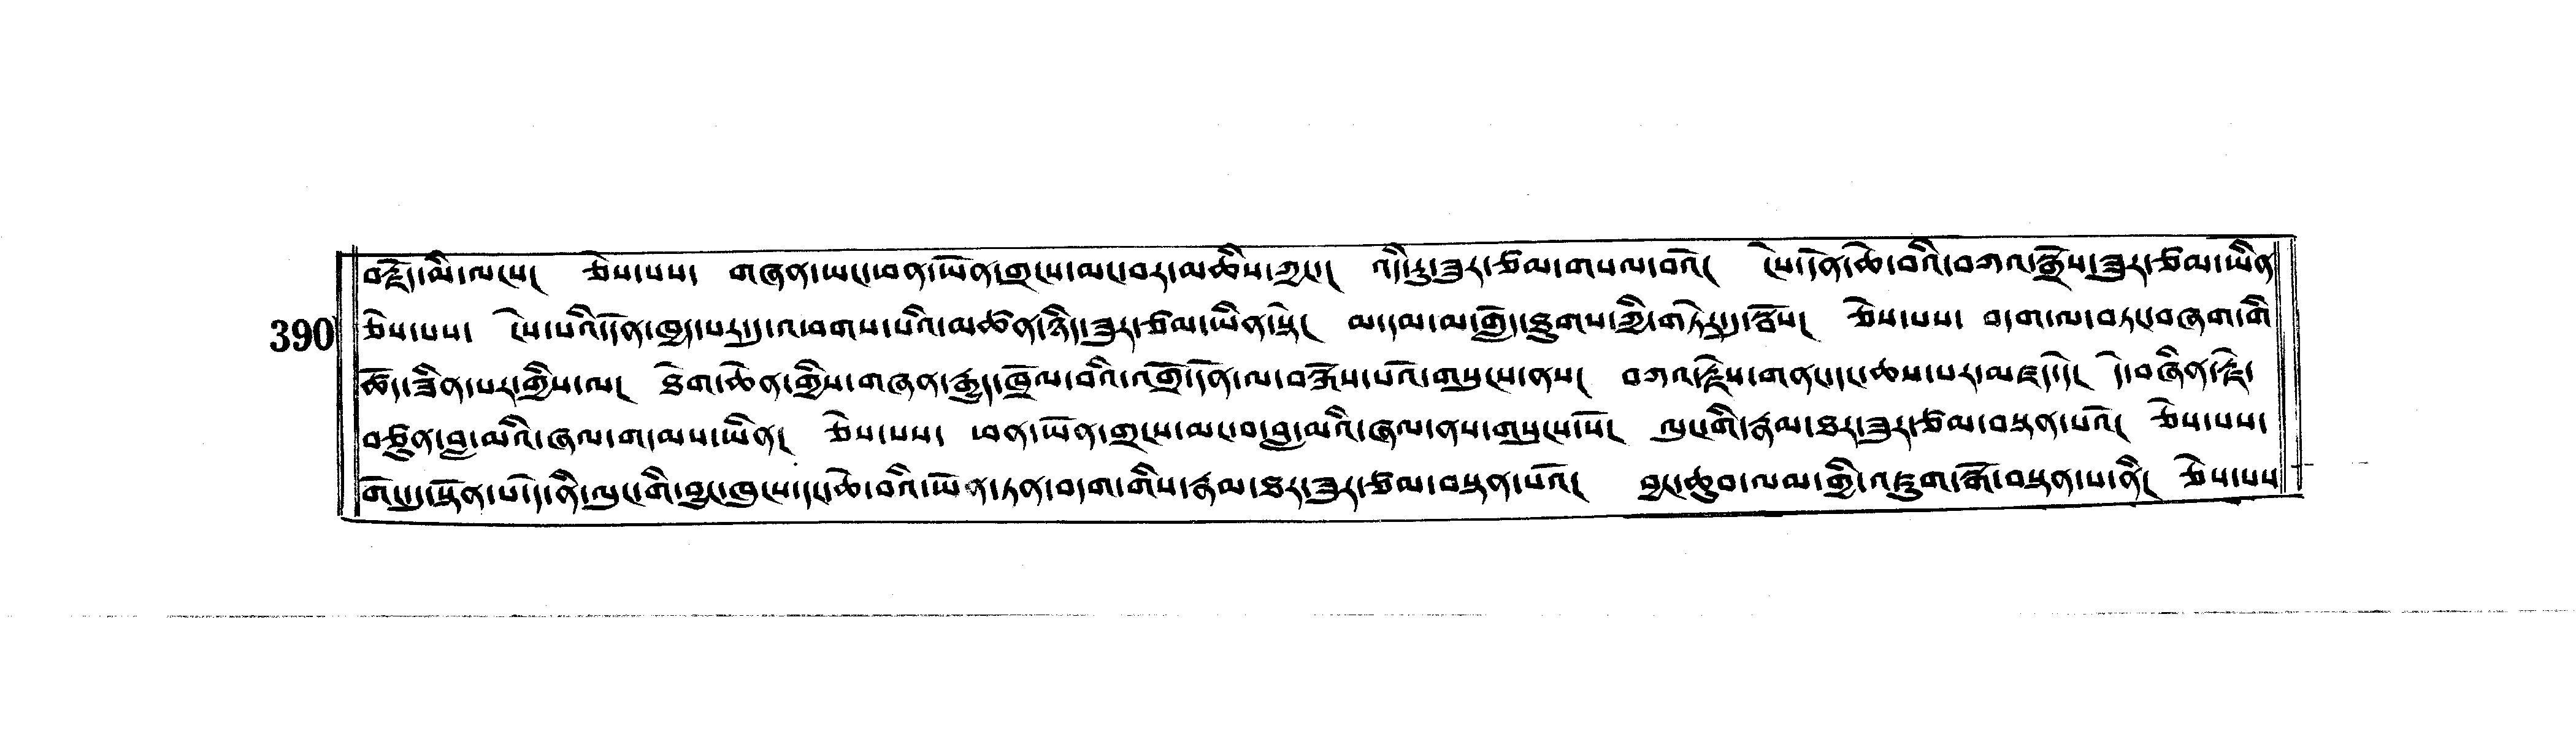བརྗོད་མི་ལངས། ཅེས་པས། གཞན་ཡང་ཕན་ཡོན་གྲངས་མང་བར་མཆིས་ཀྱང་། འདི་རུ་ཟུར་ཙམ་གསལ་བའོ། ངེས་དོན་ཆེ་བའི་བཀའ་སྒྲོས་ཟུར་ཙམ་ཡིན། 
ཅེས་པས། ངེས་པའི་དོན་ཁྱད་པར་དུ་འཕགས་པའི་མཚན་ཉིད་ཟུར་ཙམ་ཡིན་ཏེ། མ་དམ་མ་གློད་ཐུགས་ཀྱི་གཏེར་དུ་སྦོས། ཅེས་པས། བདག་ལ་བཏང་བཞག་གི་
ཚོད་ཟིན་པར་གྱིས་ལ། ཐེག་ཆེན་གྱིས་གཞན་རྒྱུད་ཁྲོལ་བའི་འགྲོ་དོན་ལ་བསྐོས་པའོ་གསུངས་ནས། བཀའ་རྗེས་གནང་དང་ཆས་པར་མཛད་དེ། དེ་བཞིན་རྗེ་
བཙུན་བླ་མའི་ཞལ་གདམས་ཡིན། ཅེས་པས། ཕན་ཡོན་གྲངས་མང་བ་བླ་མའི་ཞལ་ནས་གསུངས་སོ། ལུང་གི་རྣམ་ཐར་ཟུར་ཙམ་བསྟན་པའོ། ཅེས་པས། 
གོང་དུ་སྟོན་པ་དེ་ནི་ལུང་གི་བྱུང་ཁུངས་དང་ཆེ་བའི་ཡོན་ཏན་བདག་གིས་རྣམ་ཐར་ཟུར་ཙམ་བསྟན་པའོ། བྱང་ཆུབ་ལམ་གྱི་འཇུག་སྒོ་བསྟན་པ་ནི། ཅེས་པས།